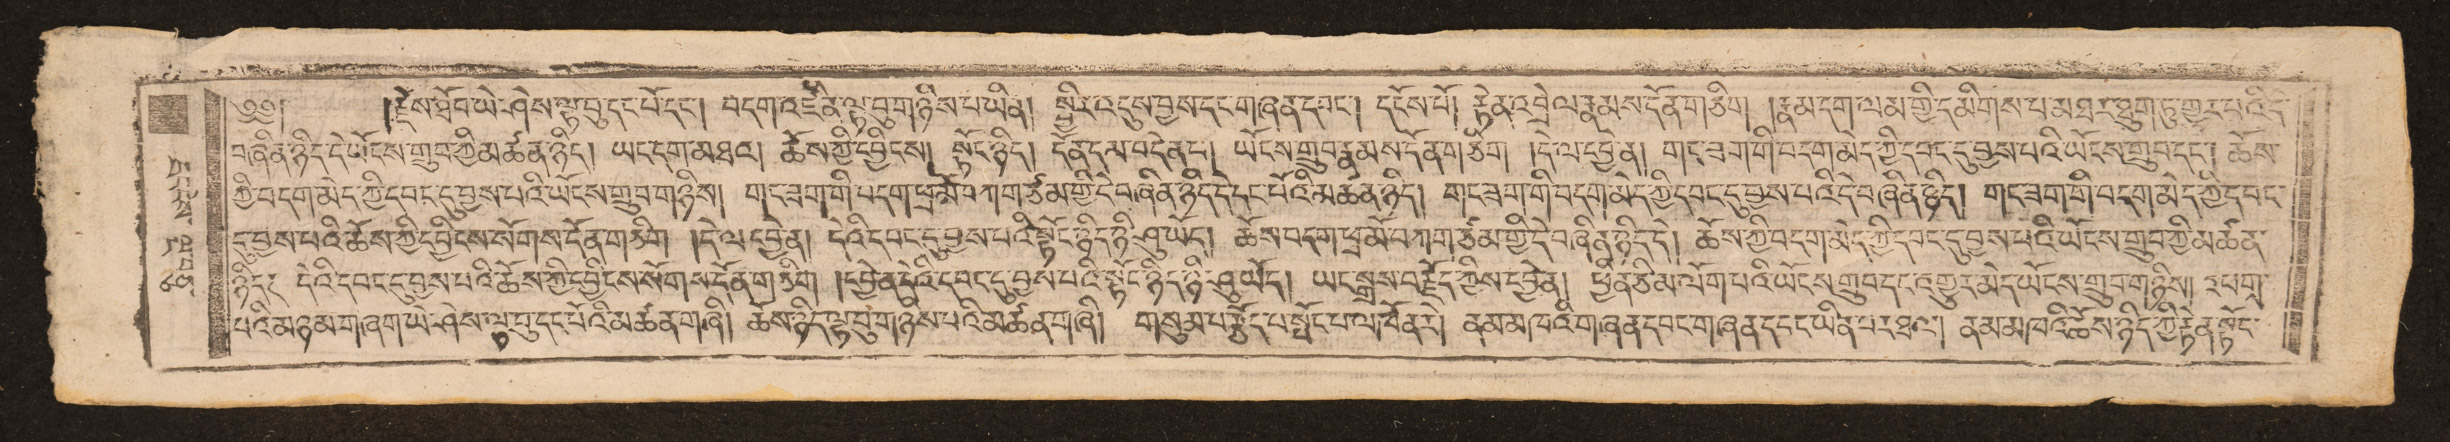༄༅། །རྗེས་ཐོབ་ཡེ་ཤེས་ལྟ་བུ་དང་པོ་དང་། བདག་འཛིན་ལྟ་བུ་གཉིས་བ་ཡིན། སྤྱིར་འདུས་བྱས་དང་གཞན་དབང་། དངོས་པོ། རྟེན་འབྲེལ་རྣམས་དོན་གཅིག །རྣམ་དག་ལམ་གྱི་དམིགས་པ་མཐར་ཐུག་ཏུ་གྱུར་པའི་དེ་
བཞིན་ཉིད་དེ་ཡོངས་གྲུབ་ཀྱི་མཚན་ཉིད། ཡང་དག་མཐའ། ཆོས་ཀྱི་དབྱིངས། སྟོང་ཉིད། དོན་དམ་བདེན་བ། ཡོངས་གྲུབ་རྣམས་དོན་གཅིག །དེ་ལ་དབྱེ་ན། གང་ཟག་གི་བདག་མེད་ཀྱི་དབང་དུ་བྱས་པའི་ཡོངས་གྲུབ་དང་། ཆོས་
ཀྱི་བདག་མེད་ཀྱི་དབང་དུ་བྱས་པའི་ཡོངས་གྲུབ་གཉིས། གང་ཟག་གི་བདག་ཕྲ་མོ་བཀག་ཙམ་གྱི་དེ་བཞིན་ཉིད་དེ་དང་པོའི་མཚན་ཉིད། གང་ཟག་གི་བདག་མེད་ཀྱི་དབང་དུ་བྱས་པའི་དེ་བཞིན་ཉིད། གང་ཟག་གི་བདག་མེད་ཀྱི་དབང་
དུ་བྱས་པའི་ཆོས་ཀྱི་དབྱིངས་སོགས་དོན་གཅིག །དེ་ལ་དབྱེ་ན། དེའི་དབང་དུ་བྱས་པའི་སྟོང་ཉིད་ཉི་ཤུ་ཡོད། ཆོས་བདག་ཕྲ་མོ་བཀག་ཙམ་གྱི་དེ་བཞིན་ཉིད་དེ། ཆོས་ཀྱི་བདག་མེད་ཀྱི་དབང་དུ་བྱས་པའི་ཡོངས་གྲུབ་ཀྱི་མཚན་
ཉིད༑ དེའི་དབང་དུ་བྱས་པའི་ཆོས་ཀྱི་དབྱིངས་སོགས་དོན་གཅིག །དབྱེ་ན་དེའི་དབང་དུ་བྱས་པའི་སྟོང་ཉིད་ཉི་ཤུ་ཡོད། ཡང་སྒྲས་བརྗོད་ཀྱིས་དབྱེ་ན། ཕྱིན་ཅི་མ་ལོག་པའི་ཡོངས་གྲུབ་དང་འགྱུར་མེད་ཡོངས་གྲུབ་གཉིས། འཕགས་
པའི་མཉམ་གཞག་ཡེ་ཤེས་ལྟ་བུ་དང་པོའི་མཚན་གཞི། ཆོས་ཉིད་ལྟ་བུ་གཉིས་པའི་མཚན་གཞི། གསུམ་པ་རྩོད་པ་སྤོང་བ་ལ་ཁོ་ན་རེ། ནམ་མཁའི་གཞན་དབང་གཞན་དབང་ཡིན་པར་ཐལ། ནམ་མཁའི་ཚེས་ཉིད་ཀྱི་རྟེན་སྟོང་